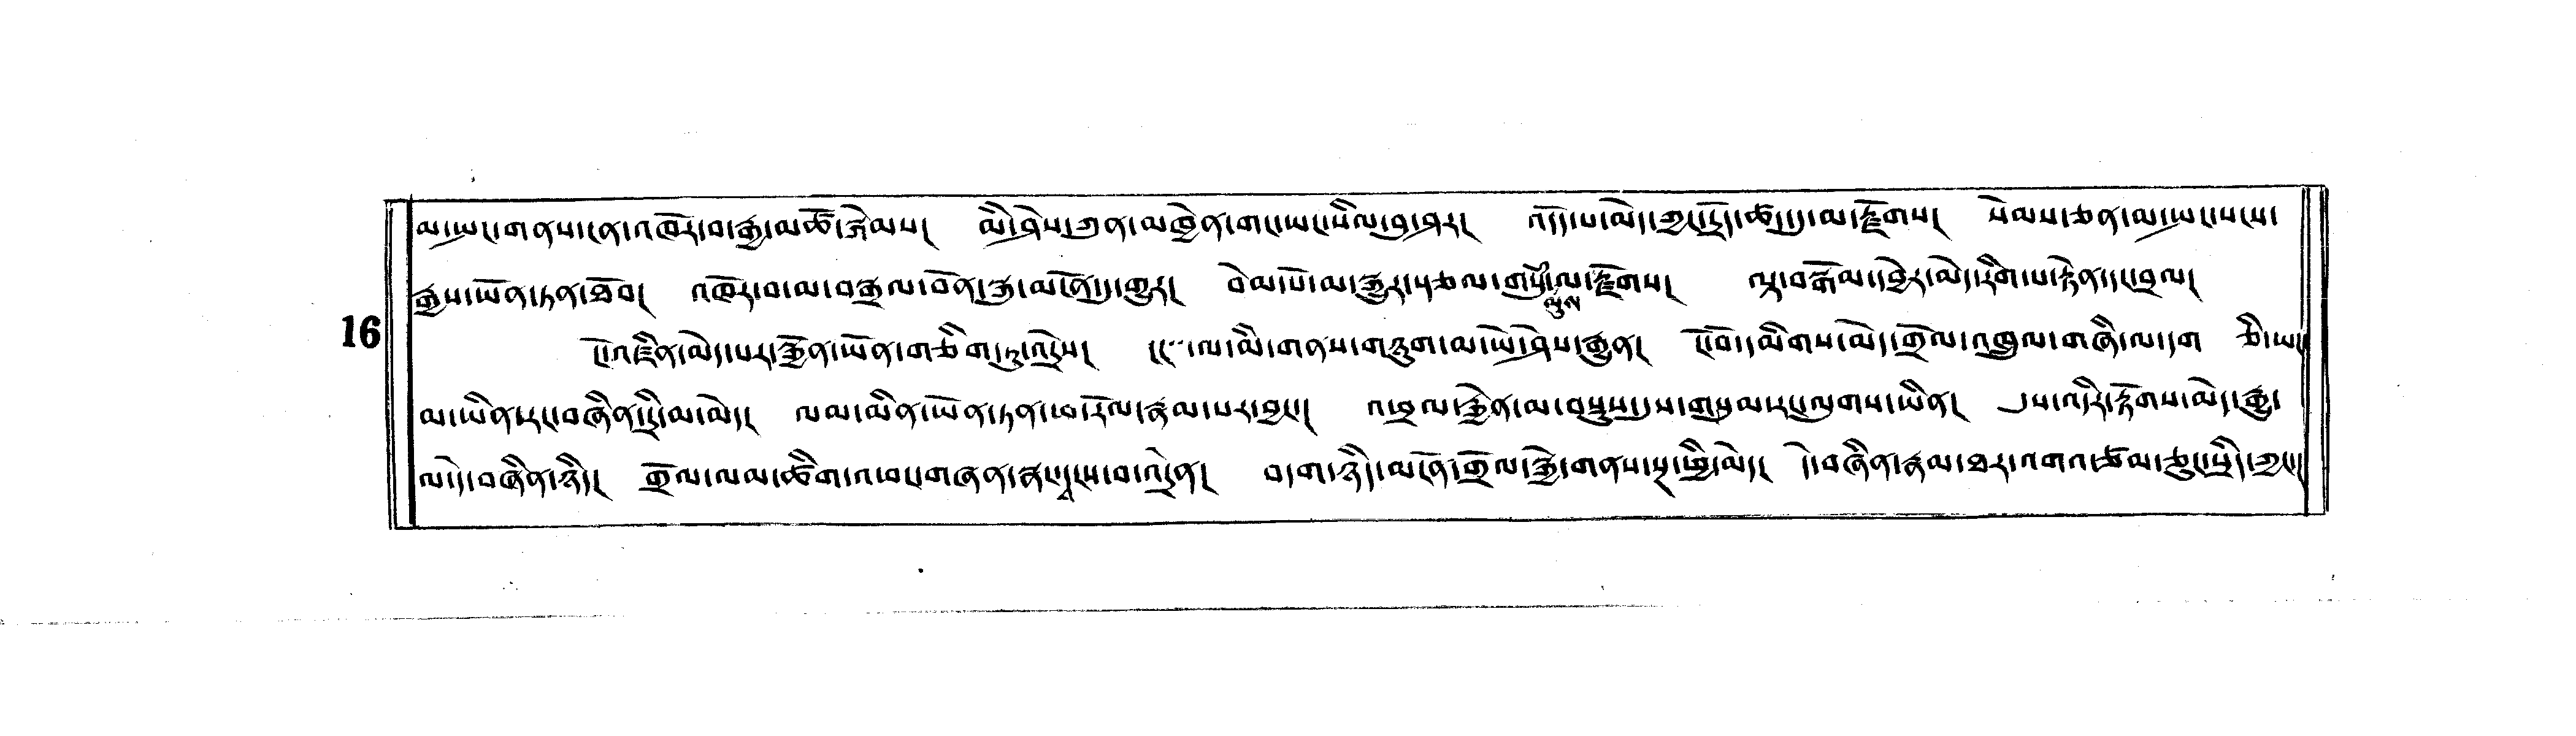མ་སྤངས་གནས་ངན་འཁོར་བ་རྒྱ་མཚོ་སྐེམས། མི་ཤེས་ཀུན་མཁྱེན་གང་ཡང་སིལ་བུ་ཤར། འདོད་པ་མེད་ཀྱང་དྲོད་ཚད་དུ་མ་རྫོགས། སེམས་ཅན་མ་སྤངས་
སངས་རྒྱས་ཡོན་ཏན་ཐོབ། འཁོར་བ་མ་བསྒྲལ་བོན་སྐུ་མངོན་དུ་གྱུར། བེམ་པོ་མ་བསྐྱུར་རྩལ་གསུམ་ལུས་ལ་རྫོགས། ལྟ་སྒོམ་དབྱེར་མེད་རིག་པ་རྟེན་དང་བྲལ། 
ངོ་འཛིན་མེད་པར་སྐྱོན་ཡོན་གཅིག་ཏུ་འདྲེས། ངང་ལ་མི་གནས་གཉུག་མ་ཡེ་ཤེས་རྒྱུན། ངོ་བོ་དམིགས་མེད་གྲོལ་འཁྲུལ་གཞི་ལ་དག ཅི་ཡང་
མ་ཡིན་རང་བཞིན་དྲི་མ་མེད། ལམ་མིན་ཡོན་ཏན་ཕ་རོལ་རྣམ་པར་བྱང་། འཕྲལ་རྐྱེན་མ་བསྡུས་དུས་གསུམ་རང་ལུགས་ཡིན། དུས་འདིར་རྟོགས་མེད་རྒྱུ་
ལ་དེ་བཞིན་ཉིད། གྲོལ་ལམ་ཚིག་འཕང་གཞན་སྣང་དྭང་བ་འདྲེན། བདག་ཉིད་མངོན་གྲོལ་སྐྱེ་གནས་སྔ་ཕྱི་མེད། དེ་བཞིན་རྣམ་ཐར་འགའ་ཙམ་ཅུང་སྲིད་ཀྱང་།